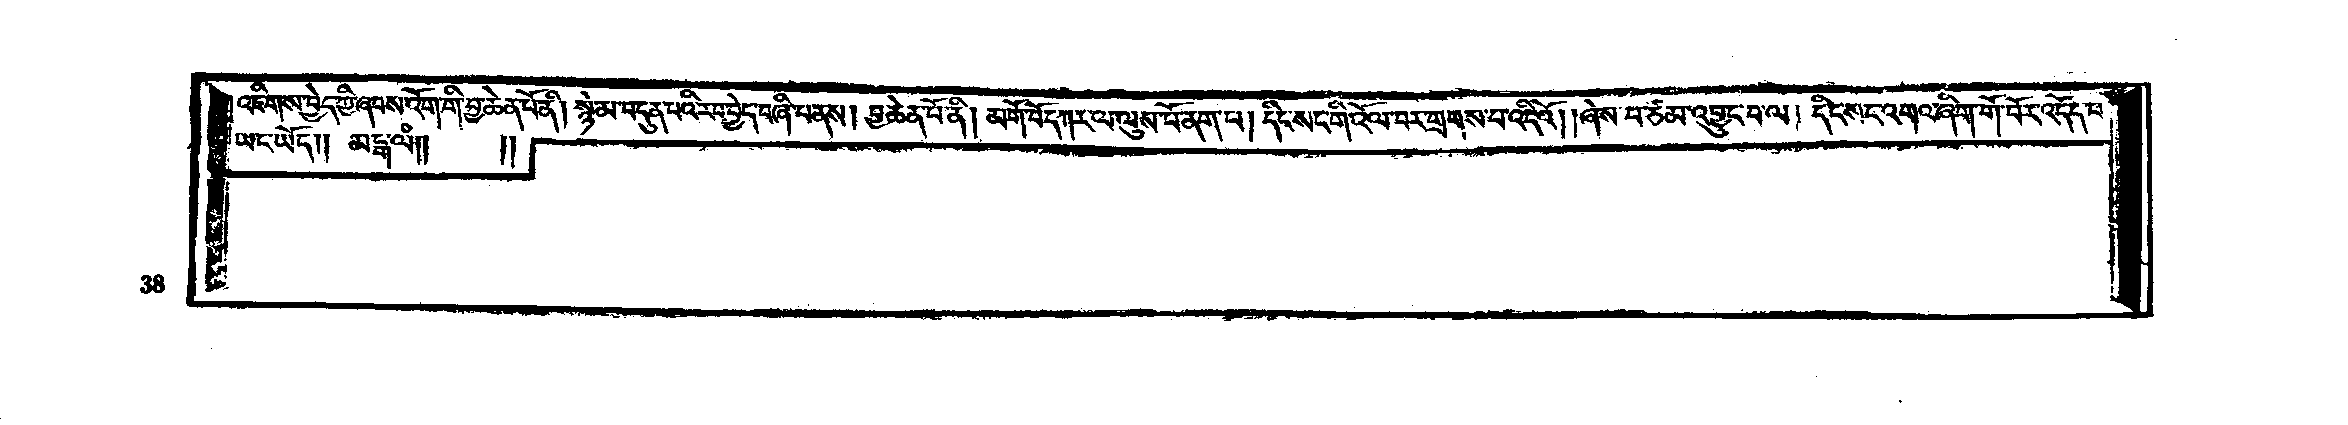འཇིགས་བྱེད་ཀྱི་ཞབས་འོག་གི་བྱ་ཆེན་པོ་ནི། སྙེ་མ་བདུན་པའི་རབ་བྱེད་བཞི་པ་ནས། བྱ་ཆེན་པོ་ནི། མགོ་བོ་དཀར་ལ་ལུས་པོ་ནག་པ། དིང་སང་གི་འོལ་བར་གྲགས་པ་འདིའོ། །ཞེས་པ་ཙམ་འབྱུང་བ་ལ། དིང་སང་འགའ་ཞིག་གོ་བོར་འདོད་པ་
ཡང་ཡོད།། མངྒ་ལཾ།། །